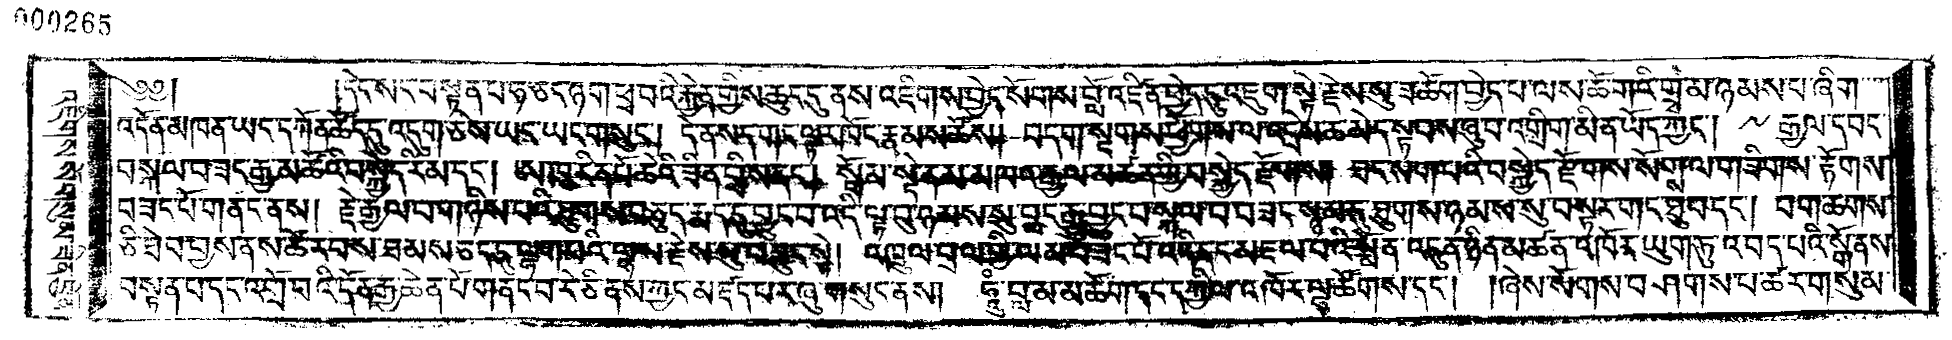༄༅། །དེང་སང་བསྟན་པ་ཧ་ཅང་ཉག་ཕྲ་བའི་རྐྱེན་གྱིས་ཆུང་དུ་ནས་འཇིགས་བྱེད་སོགས་བློ་འཛིན་བྱེད་དུ་འཇུག་སྟེ་རྗེས་སུ་ཟ་ཆོག་བྱེད་པ་ལས་ཆོ་གའི་གྲྭ་མ་ཉམས་པ་ཞིག་
འདོན་མཁན་ཡང་དཀོན་ཚོད་དུ་འདུག་ཅེས་ཡང་ཡང་གསུང་། དེ་ནས་ད་གང་ལྟར་ཁོང་རྣམས་ཚོས། བདག་སྔགས་ཕྱོགས་ལ་འདྲེས་ཆ་མེད་སྟབས་ཞུ་བ་འགྲིག་མིན་ཡོད་ཀྱང་། ༧་རྒྱལ་དབང་
བསྐལ་བཟང་རྒྱ་མཚོའི་བསྐྱེད་རིམ་དང་། ཨ་ཁུ་རིན་པོ་ཆེའི་ཟིན་བྲིས་དང་། སྒོམ་སྡེ་ནམ་མཁའ་རྒྱལ་མཚན་གྱི་བསྐྱེད་རྫོགས། ཐང་སག་པའི་བསྐྱེད་རྫོགས་སོགས་ལ་གཟིགས་རྟོགས་
བཟང་པོ་གནང་ནས། རྗེ་རྒྱལ་བ་གཉིས་པའི་ཐུགས་བཅུད་རྨད་དུ་བྱུང་བ་འདི་ལྟ་བུ་ཉམས་སུ་བླང་རྒྱུ་བྱུང་བ་སྐལ་བ་བཟང་སྙམ་དུ་ཐུགས་ཉམས་སུ་བསྟར་གང་ཐུབ་དང་། བག་ཆགས་
ཅི་ཐེབ་བྱས་ནས་ཚེ་རབས་ཐམས་ཅད་དུ་ལྷག་པའི་ལྷས་རྗེས་སུ་བཟུང་སྟེ། འཁྲུལ་བྲལ་གྱི་ལམ་བཟང་པོ་འདི་དང་མཇལ་བའི་སྨོན་འདུན་ཉིན་མཚན་འཁོར་ཡུག་ཏུ་འབད་པའི་སྒོ་ནས་
བསྟན་པ་དང་འགྲོ་བའི་དོན་རྒྱ་ཆེན་པོ་གནང་བ་རེ་ཅི་ནས་ཀྱང་མཛད་པར་ཞུ་གསུང་ནས། ཧཱུཾ་བླ་མ་མཆོག་དང་དཀྱིལ་འཁོར་ལྷ་ཚོགས་དང་། །ཞེས་སོགས་བཤགས་པ་ཚར་གསུམ་